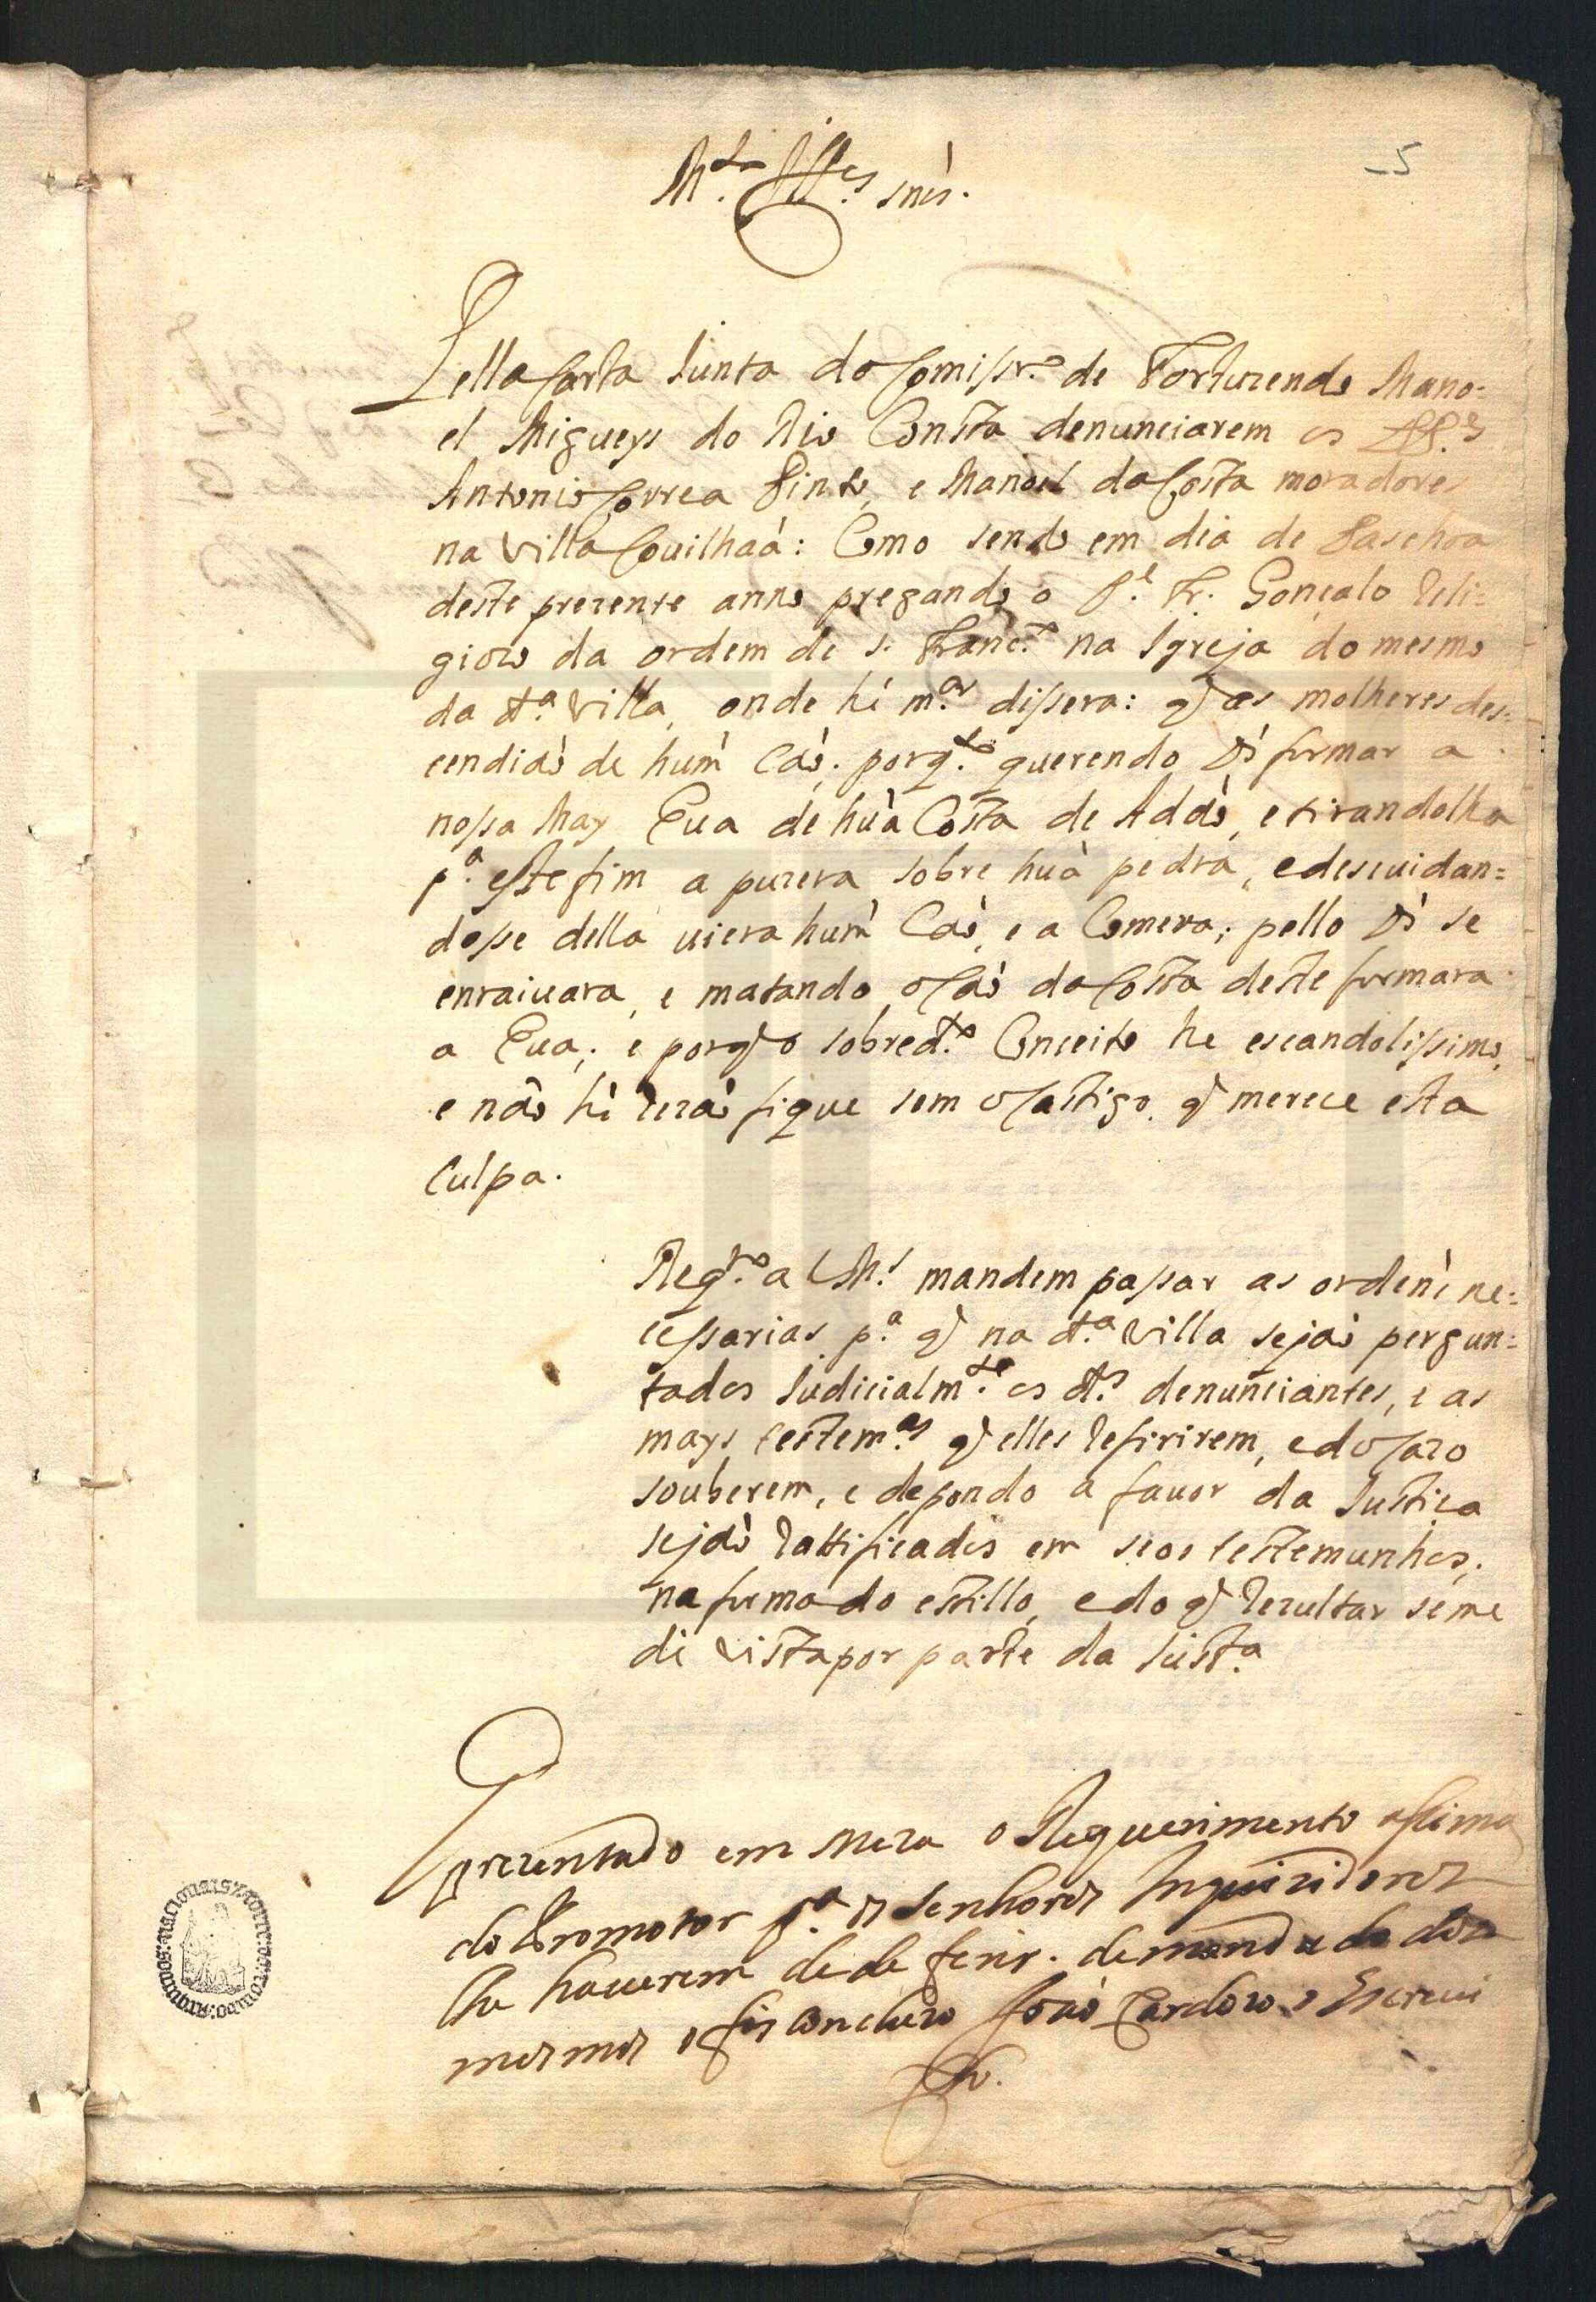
M.to Ill.es snrs̄.
Pella Carta Iunta do Comissr.o de Tortezendo Mano
el Migueys do Rio Consta denunciarem os PP.es
Antonio Correa Pinto, e Manoel da Costa moradores
na villa Couilhaā: Como sendo em dia de Paschoa
deste prezente anno pregando o P.e Fr. Gonçalo Reli
giozo da ordem de s. Franc.o na Igreja do mesmo
da d̄.a villa, onde hé m.or dissera: q̄ as molheres des
cendiaõ de hum̄ caõ; porq.to querendo Ds̄ formar a
nossa May Eua de huā Costa de Adão, e tirandolha
p.a este fim a puzera sobre huā pedra, e descuidan
dosse della uiera hum̄ Caõ, e a Comera, pello Ds̄ se
enraiuara, e matando o Caõ da Costa de deformara
a Eua; e porq̄ o sobred̄.o Conceito he escandolissimo,
e não hé rezaõ fique sem o Castigo q̄ merece esta
culpa.
Req.ro a V M.s mandem passar as ordens ne
cessarias p.a q̄ na d̄.a villa sejaõ pergun
tados Iudicialm.te os d̄.s denunciantes, e as
mays testem.as q̄ elles refirirem, e do Cazo
souberem, e depondo a fauor da Iustiça
sejaõ Rattificados em seos testemunhos,
na forma do estillo, e do q̄ Rezultar se me
de vista por parte da Iust.a
E prezentado em Meza o Requerimento assima
do Promotor p.a os Senhores Inquizidorez
lhe hauerem de deferir. de mandado dos
mesmos o fis concluzo Joaõ Cardozo o Escreui
Clo.
